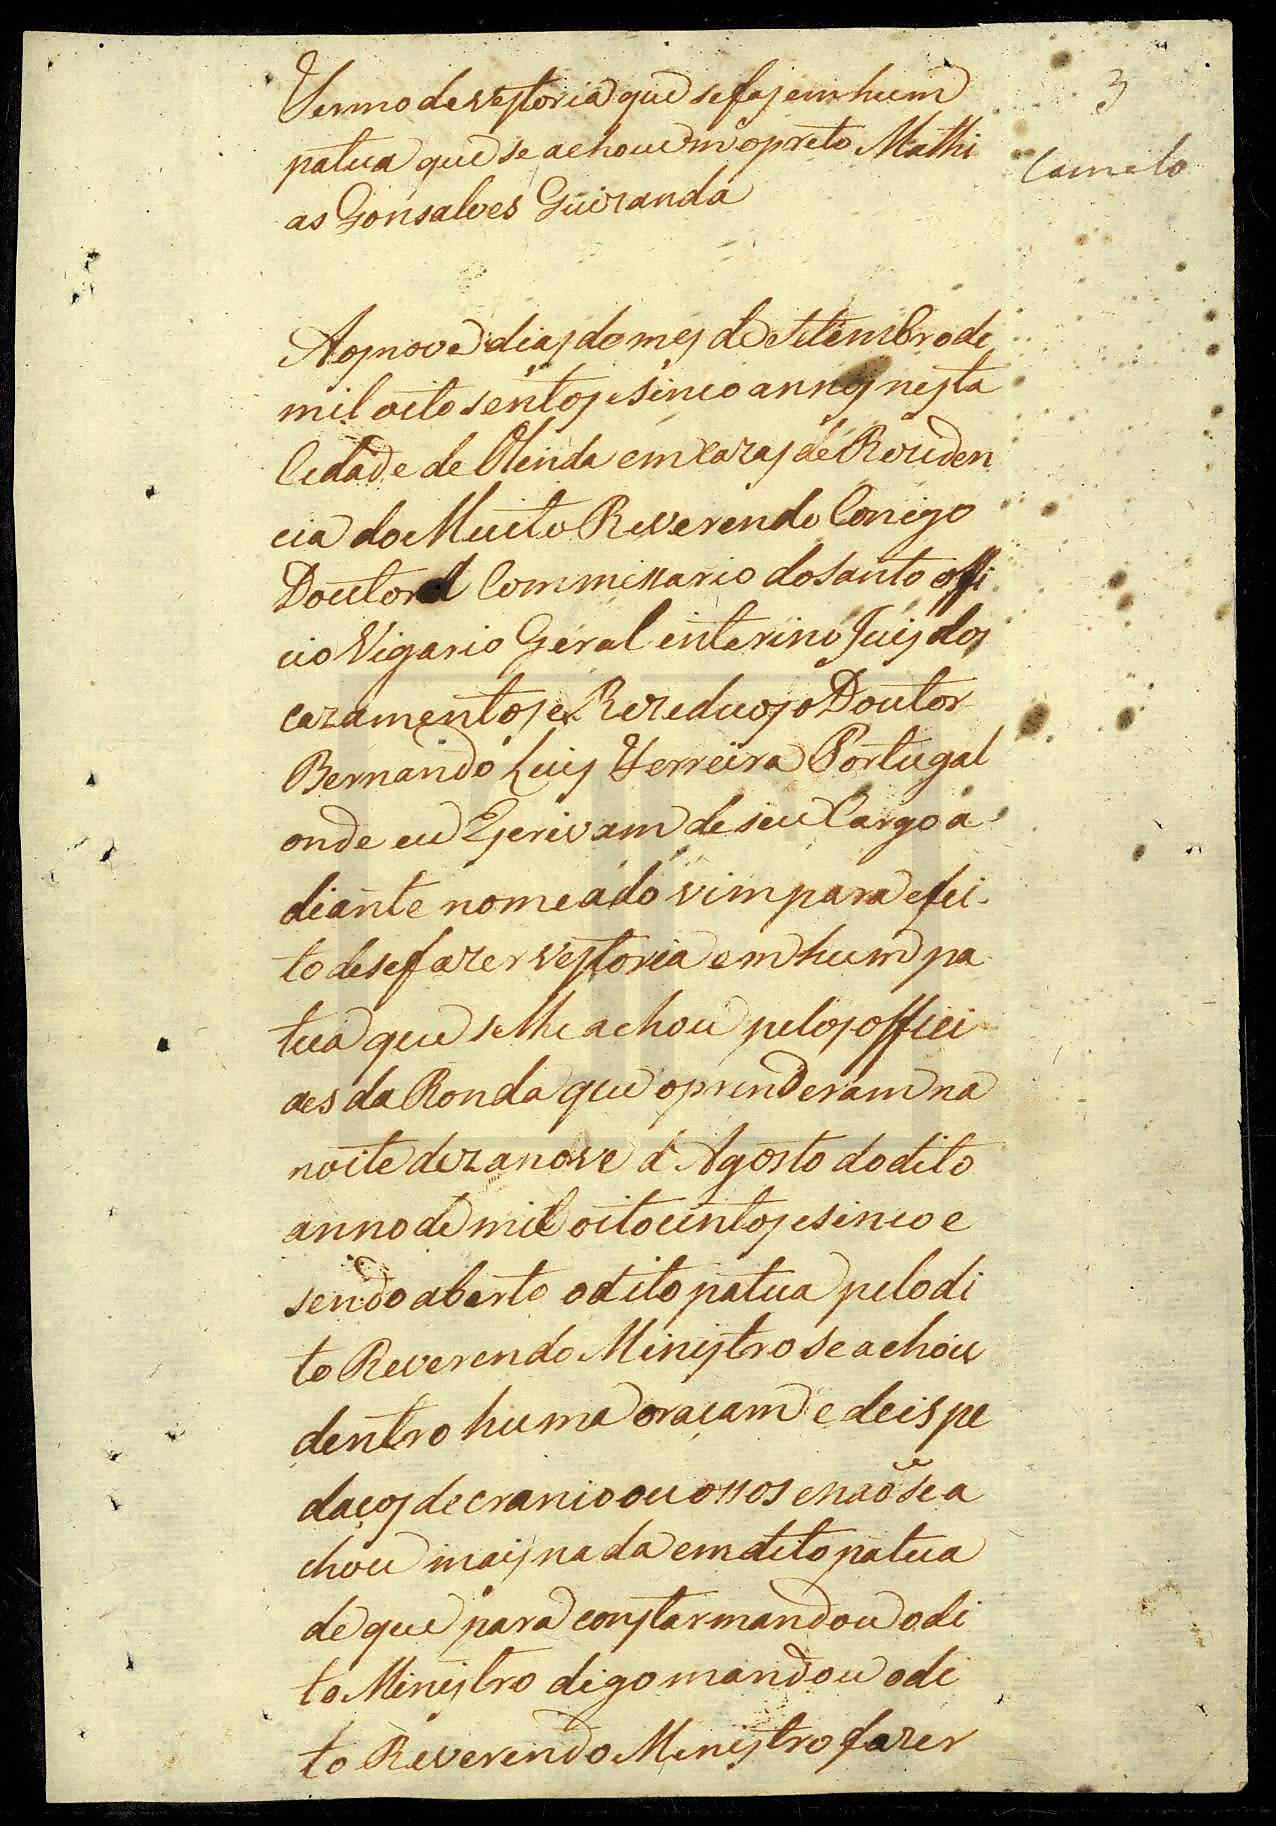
Termo de Vistoria que se fas em hum
patua que se achou em o preto Mathi
as Gonsalves Guizanda
Aos nove dias do mes de Setembro de
mil oitosentos e sinco annos nesta
Cidade de Olinda em cazas de Reziden
cia do Muito Reverendo Conigo
Doutor _ Commissario do Santo offi
cio Vigario Geral interino Juis dos
cazamentos e Rezeduos o Doutor
Bernando Luis Ferreira Portugal
onde eu Escrivam de seu Cargo a
diante nomeado vim para efei
to de se fazer vestoria em hum pa
tua que se lhe achou pelos offici
aes da Ronda que o prenderam na
noite dezanove d̄ Agosto do dito
anno de mil oitocentos e sinco e
sendo aberto o dito patua pelo di
to Reverendo Ministro se achou
dentro huma oraçam e seis pe
daços de cranio ou ossos e naõ se a
chou mais nada em dito patua
de que para constar mandou o di
to Ministro digo mandou o di
to Reverendo Ministro fazer
3
Camilo
